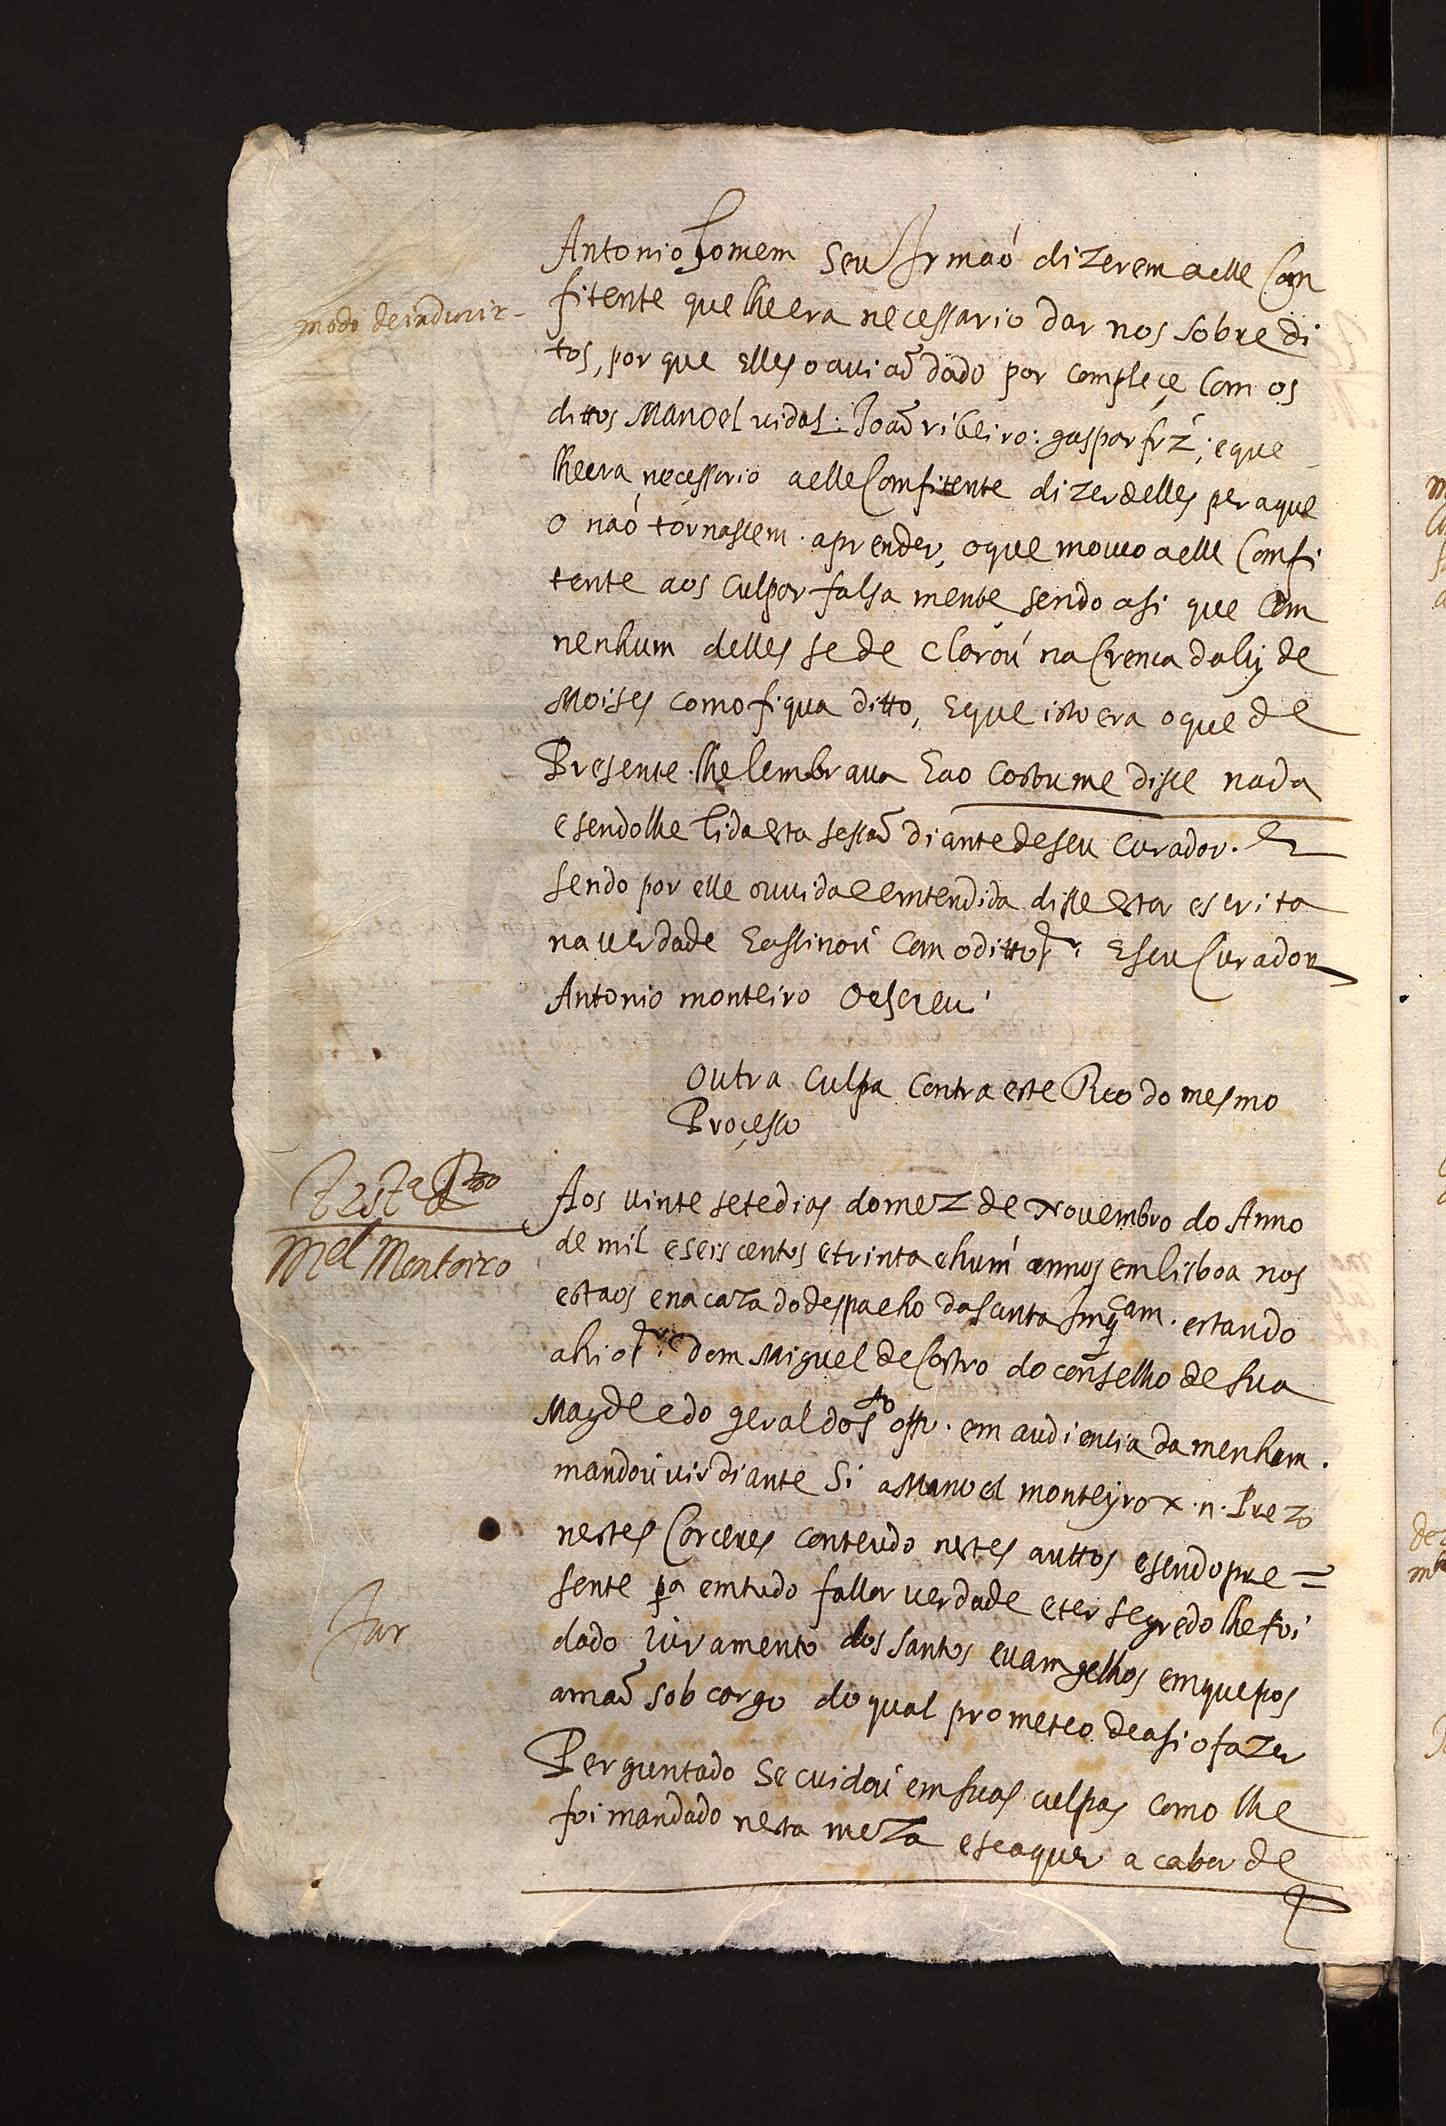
modo de induzir
testa d̄o
mel monteiro
Jur
Antonio homem seu Jrmaõ dizerem a elle Com
fitente que lhe era necessario dar nos sobredi
tos, porque Elles o auiaõ dado por complece Com os
dittos Manoel uidaL: Joaõ ribeiro: gaspar frz̄; e que
lhe era necessario a elle Comfitente dizer delles pera que
o naõ tornassem a prender, o que moueo a elle Comfi
tente aos culpar falsamente sendo asi que Com
nenhum delles se declaroū na Crenca da ley de
Moises como fiqua ditto, E que isto era o que de
Presente lhe lembraua E ao costume disse nada
e sendolhe lida esta sessaõ diante de seu curador. E
sendo por elle ouuida e emtendida disse estar escrita
na uerdade E assinou com o ditto sor. E seu Curador
Antonio monteiro O escreui
Outra culpa contra este Reo do mesmo
Processo
Aos uinte sete dias do mez de Nouembro do Anno
de miL e seiscentos e trinta e hum̄ annos em lisboa nos
estaos e na caza do despacho da santa Jmqçam. estando
ahi o sor. dom Miguel de Castro do conselho de sua
Magde e do geral do sto offo. em audiencia da menham.
mandou uir diante Si a Manoel monteyro x. n. Prezo
nestes Carceres conteudo nestes auttos e sendo pre
sente ꝑa em tudo fallar uerdade e ter segredo lhe foi
dado iuramento dos santos euamgelhos em que pos
a maõ sob cargo do qual prometeo de asi o fazer
Perguntado se cuidou em suas culpas como lhe
foi mandado nesta meza e se o quer acabar de
